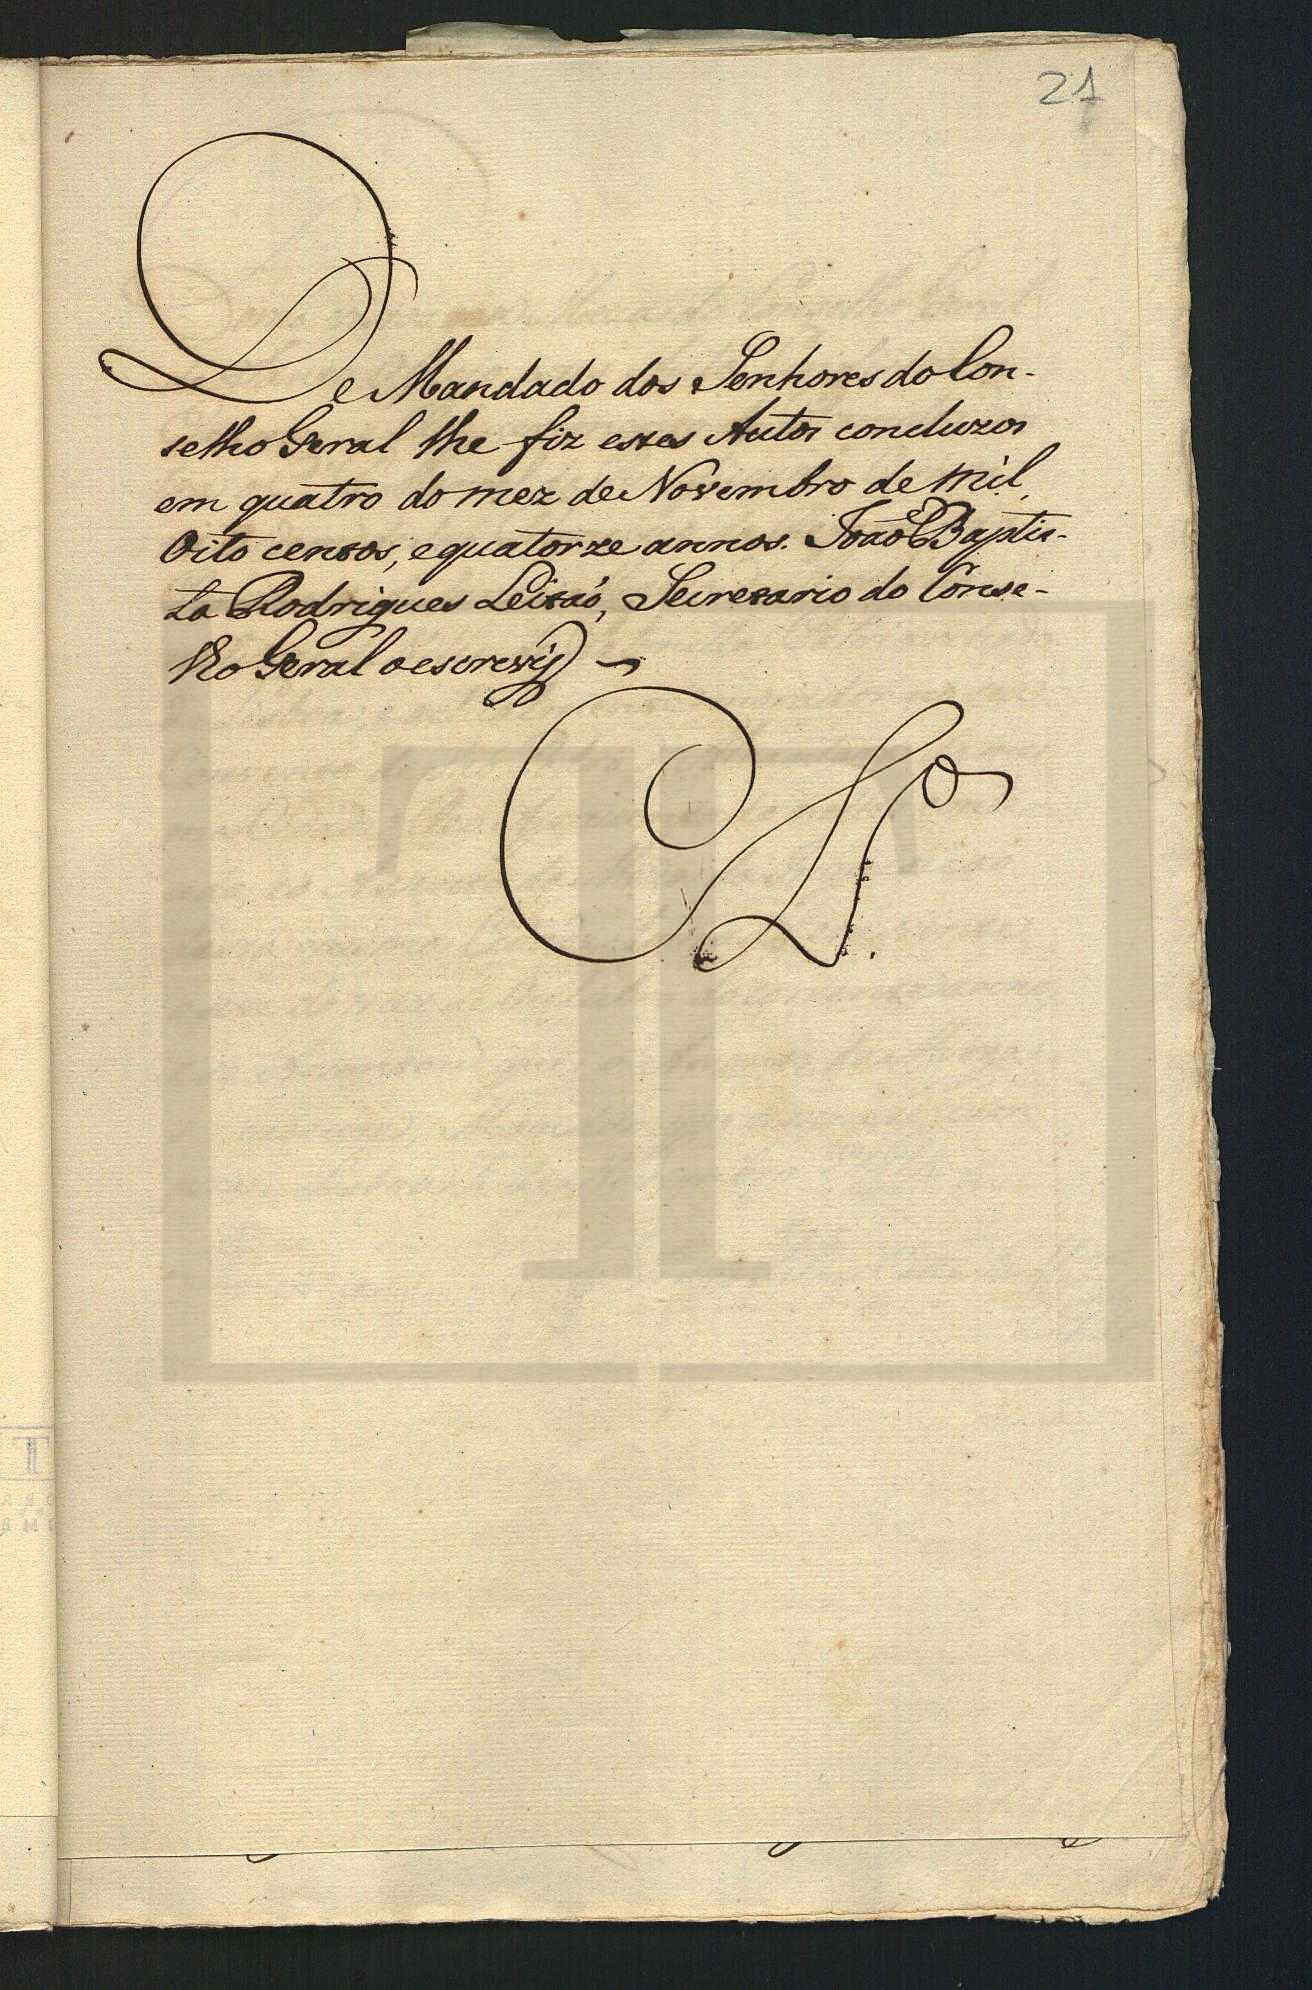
De Mandado dos Senhores do Con
selho Geral lhe fiz estes Autos conclusos
em quatro do mez de Novembro de mil,
oitocento, e quatorze annos. Ioaõ Baptis
ta Rodrigues Leitaõ, Secretario do Conse
lho Geral o escrevi
CL.o
